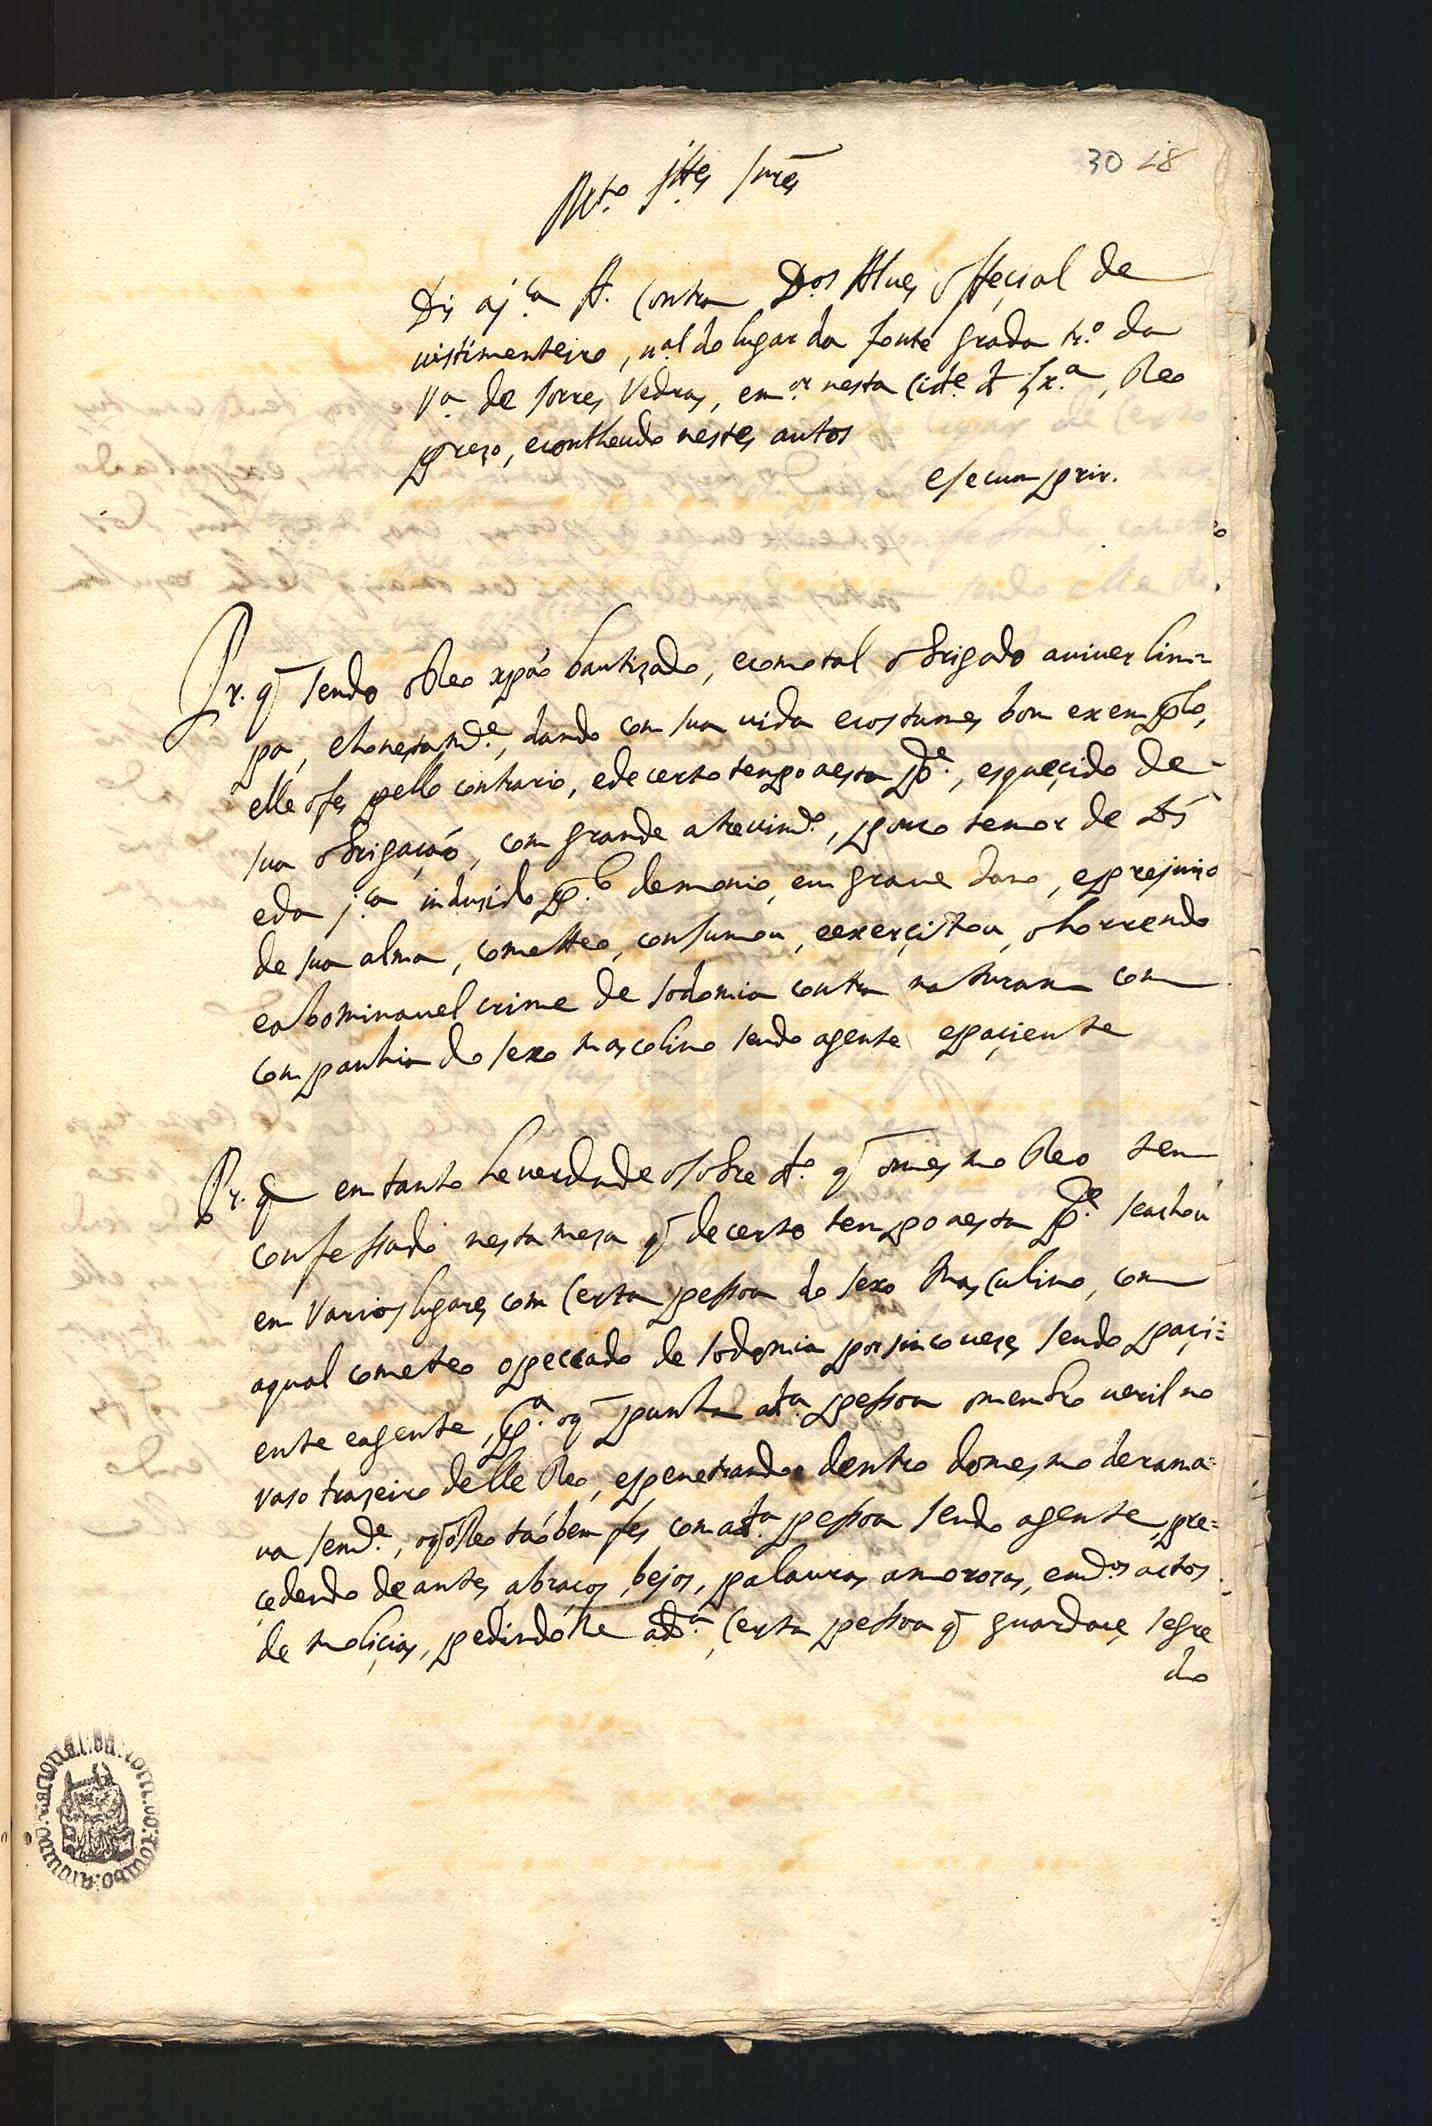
M.to I.ltes Snrēs
Dis a j.ca A. Contra D.os Alues offeçial de
uestimenteiro, n.al do lugar da fonte grada tr.o da
Va. de Torres Vedras, e m.or nesta Cid̄.e d̄ Lx.a, Reo
prezo, e contheudo nestes autos
e se cumprir.
Pr. q̄ sendo o Reo xpaõ bautizado, e como tal obrigado a uiuer lim
pa, e honestam.te, dando com sua uida e costumes bom exemplo,
elle o fes pello contrario, e de certo tempo a esta pte, esqueçido de
sua obrigaçaõ, com grande atreuim.to, pouco temor de Ds̄
e da j.ca induzido p.lo demonio, em graue dano, e prejuizo
de sua alma, cometteo, consumou, e exerçitou, o horrendo
e abominauel crime de sodomia contra naturam com
companhia do sexo mascolino sendo agente e paçiente
Pr. q̄ em tanto he uerdade o sobre d̄.o q̄ o mesmo Reo tem
confessado nesta meza q̄ de certo tempo a esta p.te se achou
em Varios lugares com Certa pessoa do sexo Masculino, com
a qual cometeo o peccado de sodomia por sinco uezes sendo paçi
ente e agente, p.a o q̄ punha a d̄a pessoa menbro ueril no
vaso trazeiro delle Reo, e penetrando dentro do mesmo derama
ua semt.e, o q̄ o Reo taõbem fes com a d̄a pessoa sendo agente, pre
çedendo de antes abraços, bejos, palauras amorozas, e m.os actos
de moliçias, pedindolhe a d̄a Certa pessoa q̄ guardaçe segre
do
